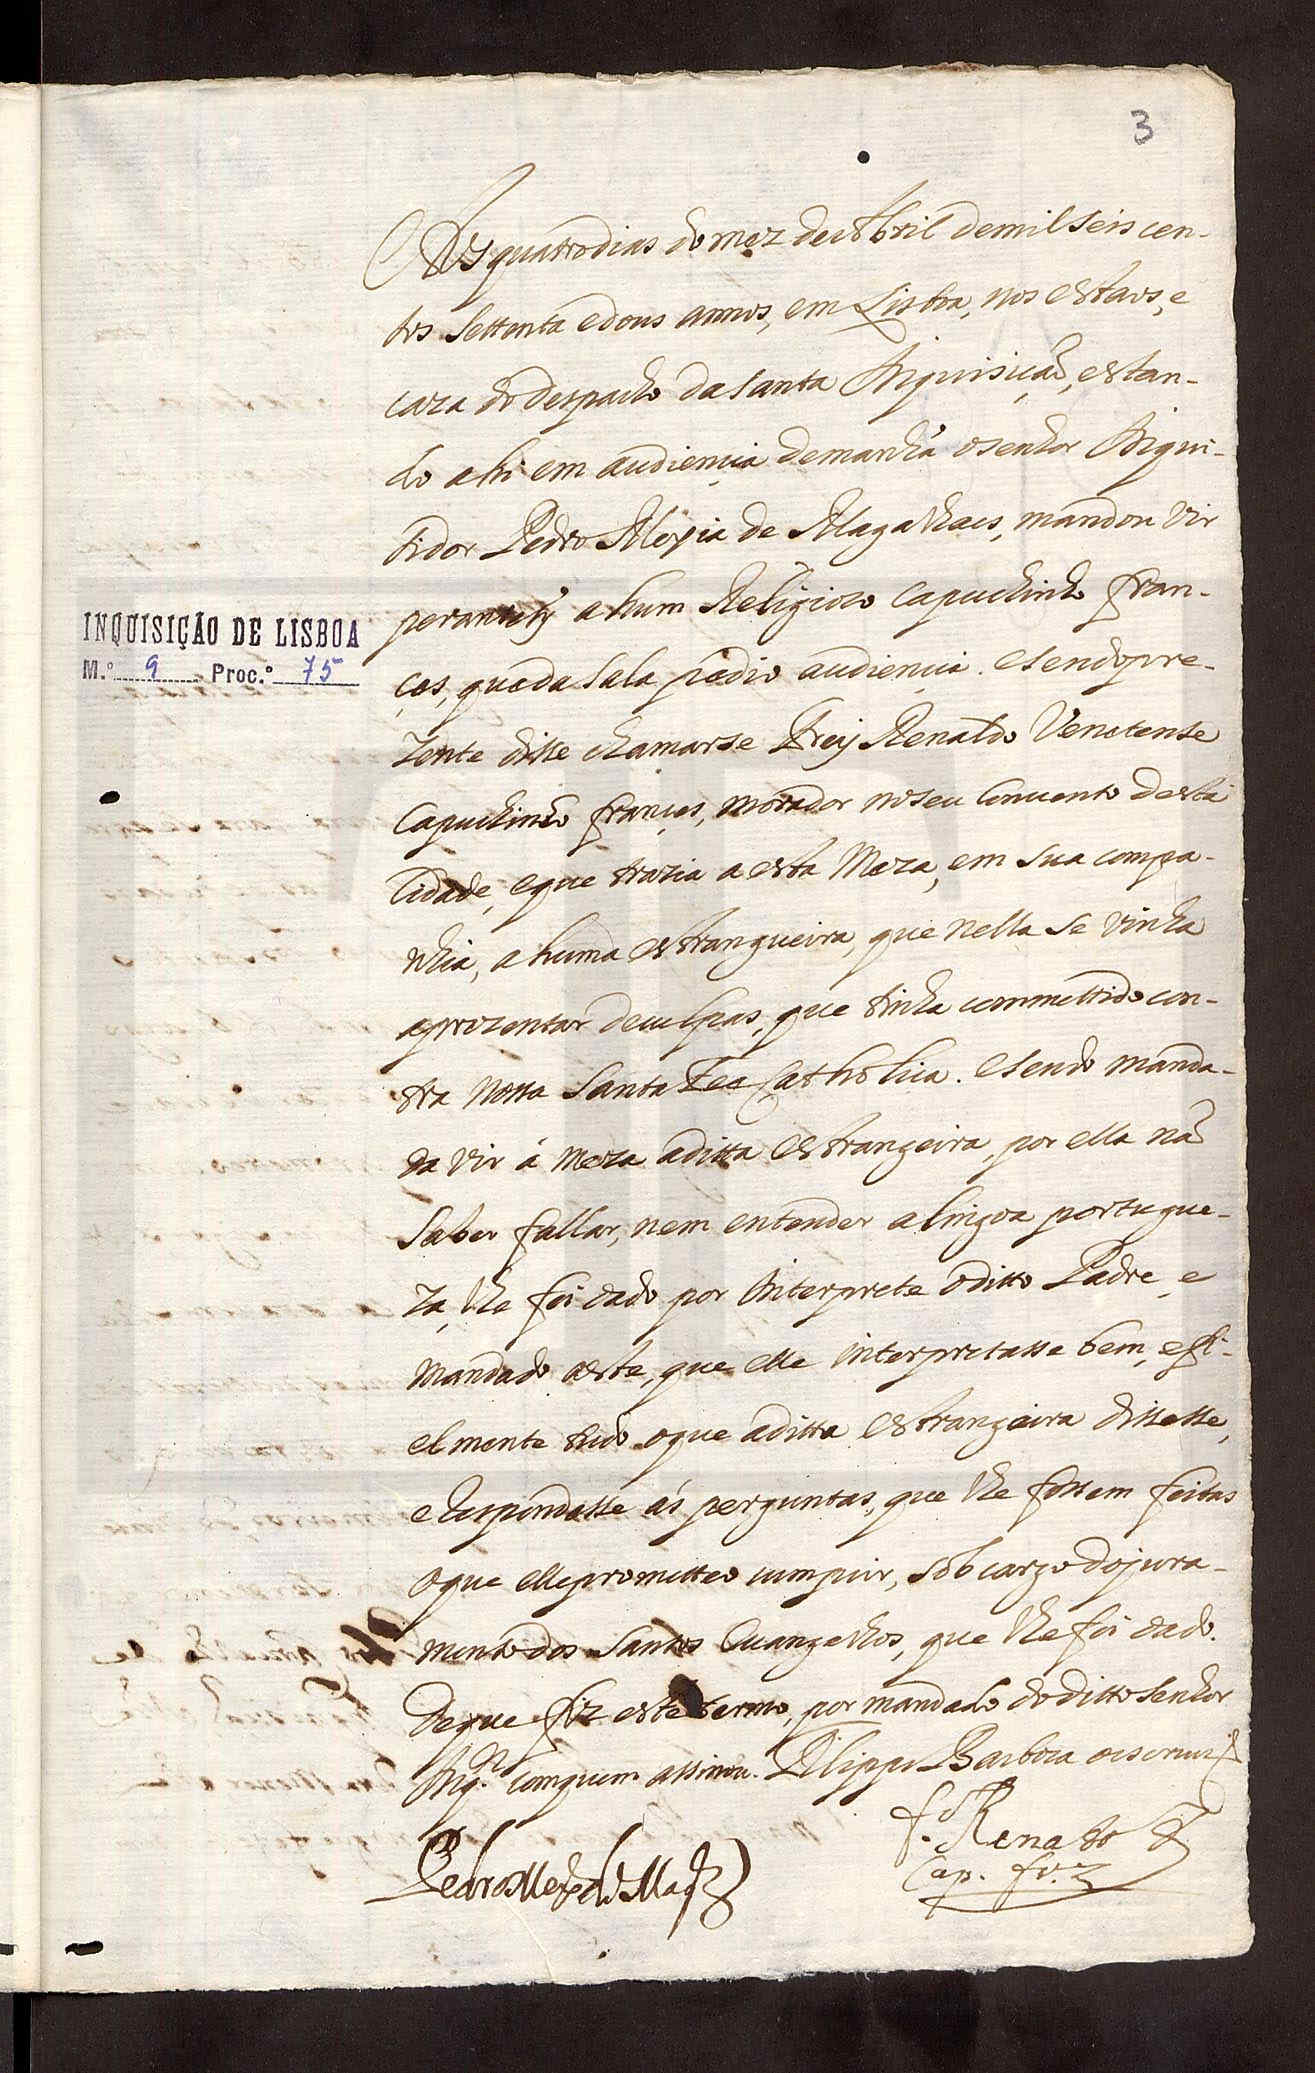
Aos quatro dias do mez de Abril de mil seiscen
tos Settenta e dous annos, em Lisboa, nos estaos, e
caza do despacho da santa Inquisição, estan
do ahi em audiencia de manhã o senhor Inqui
sidor Pedro Mexia de Magalhaes, mandou vir
perante Sy a hum Religiozo capuchinho fran
ces, que da Sala pedio audiencia. e sendo pre
zente disse chamarse Frey Renaldo Venetense
Capuchinho frances, morador no seu Conuento desta
Cidade em que trazia a esta Meza, em sua compa
nhia, a huma estrangeira, que nella se vinha
aprezentar de culpas, que tinha commettido con
tra nossa Santa Fee Catholica. E sendo manda
da vir á meza a ditta estrangeira, por ella naõ
Saber fallar, nem entender a lingoa portugue
za, lhe foi dado por Interprete o ditto Padre, e
mandado a este, que elle interpretasse bem, e fi
elmente tudo o que a ditta estrangeira dissesse,
e Respondesse ás perguntas, que lhe fossem feitas
O que elle prometteo cumprir, sob cargo do jura
mento dos Santos Euangelhos, que lhe foi dado.
De que fiz este termo, por mandado do ditto Senhor
Inq.or com quem assinou. Filippe Barboza o escriuaõ
Pedro Mexia de Mag.es
fr. Renato V.
Cap. fr.ez
